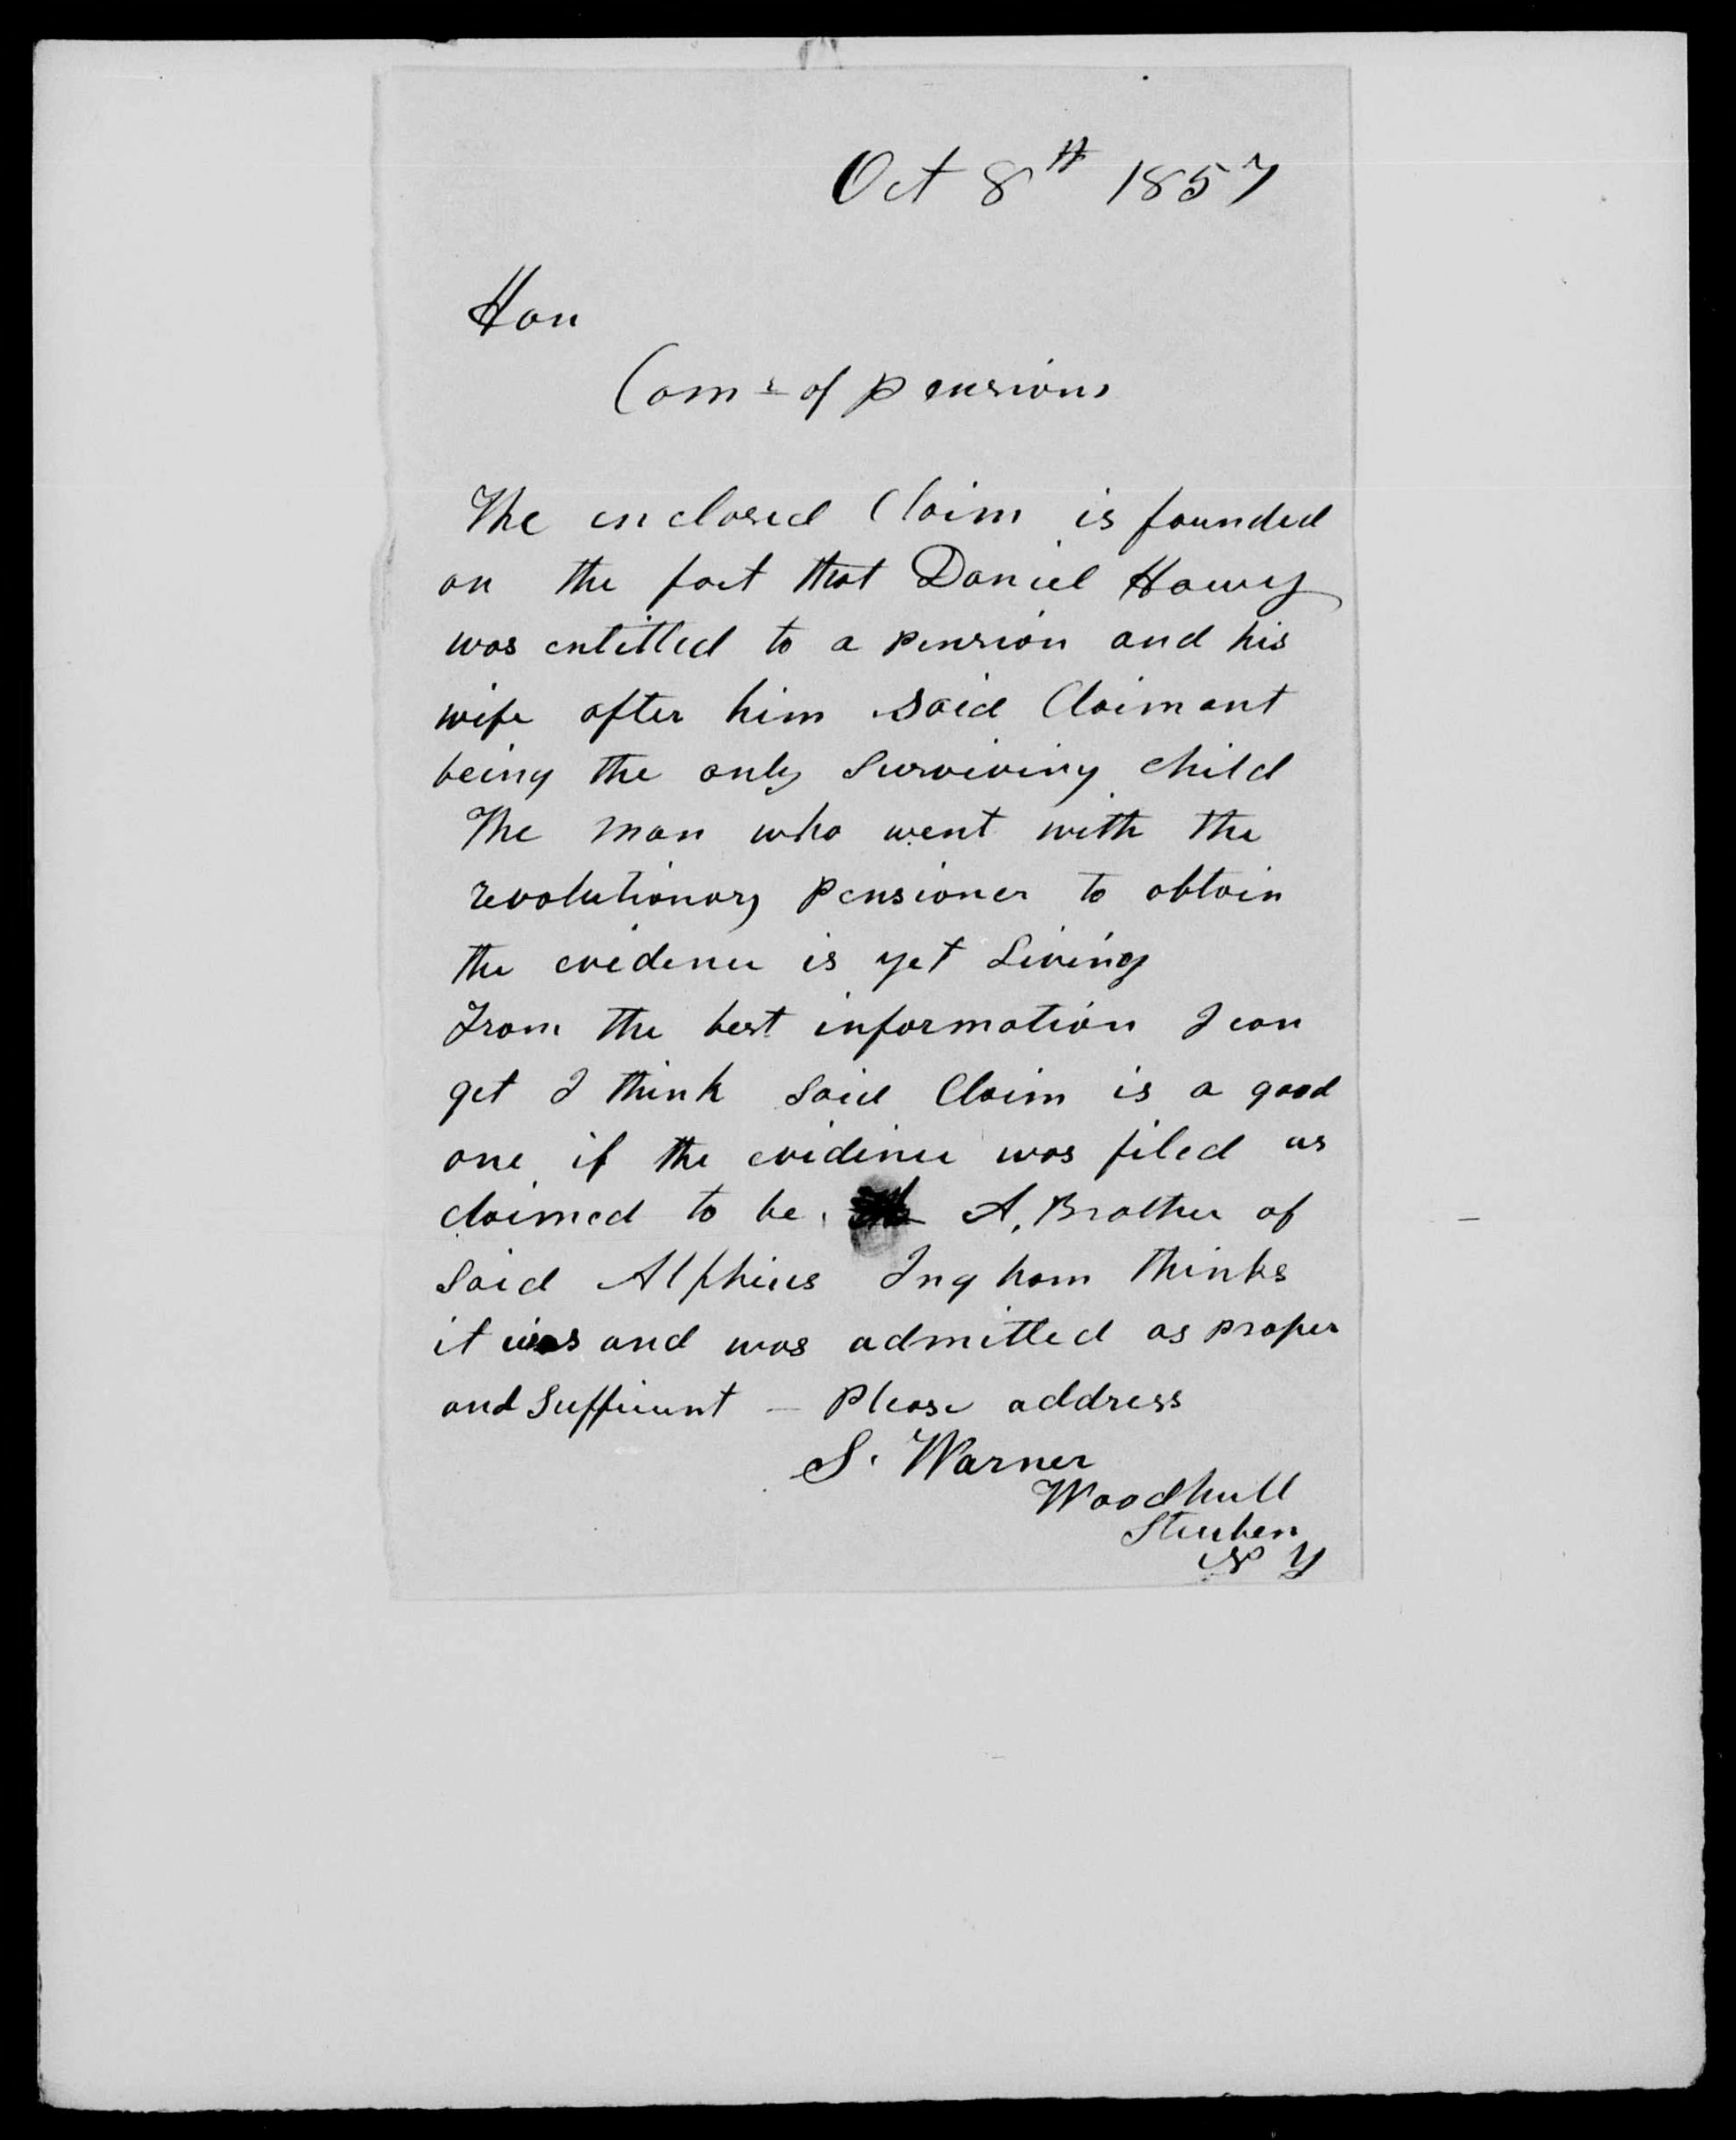Hon
Com of pensions
The enclosed claim is founded on the fact that Daniel Howey was entitled to a pension and his wife after him said claimant being the only surviving child the man who went with the revolutionary pensioner to obtain the evidence is yet living 
From the best information I can get I think said claim is a good one if the evidence was filed as claimed to be. [ink smudge] A Brother of said Alphius Ingham thinks it was and was admitted as proper and sufficient. Please address
S. Warner Woodhull Stueben N.Y.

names: S Warner, Daniel Howy, Alphius Ingham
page: 13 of 25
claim: rejected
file: R. 5190, Daniel Howey, New Jersey New York